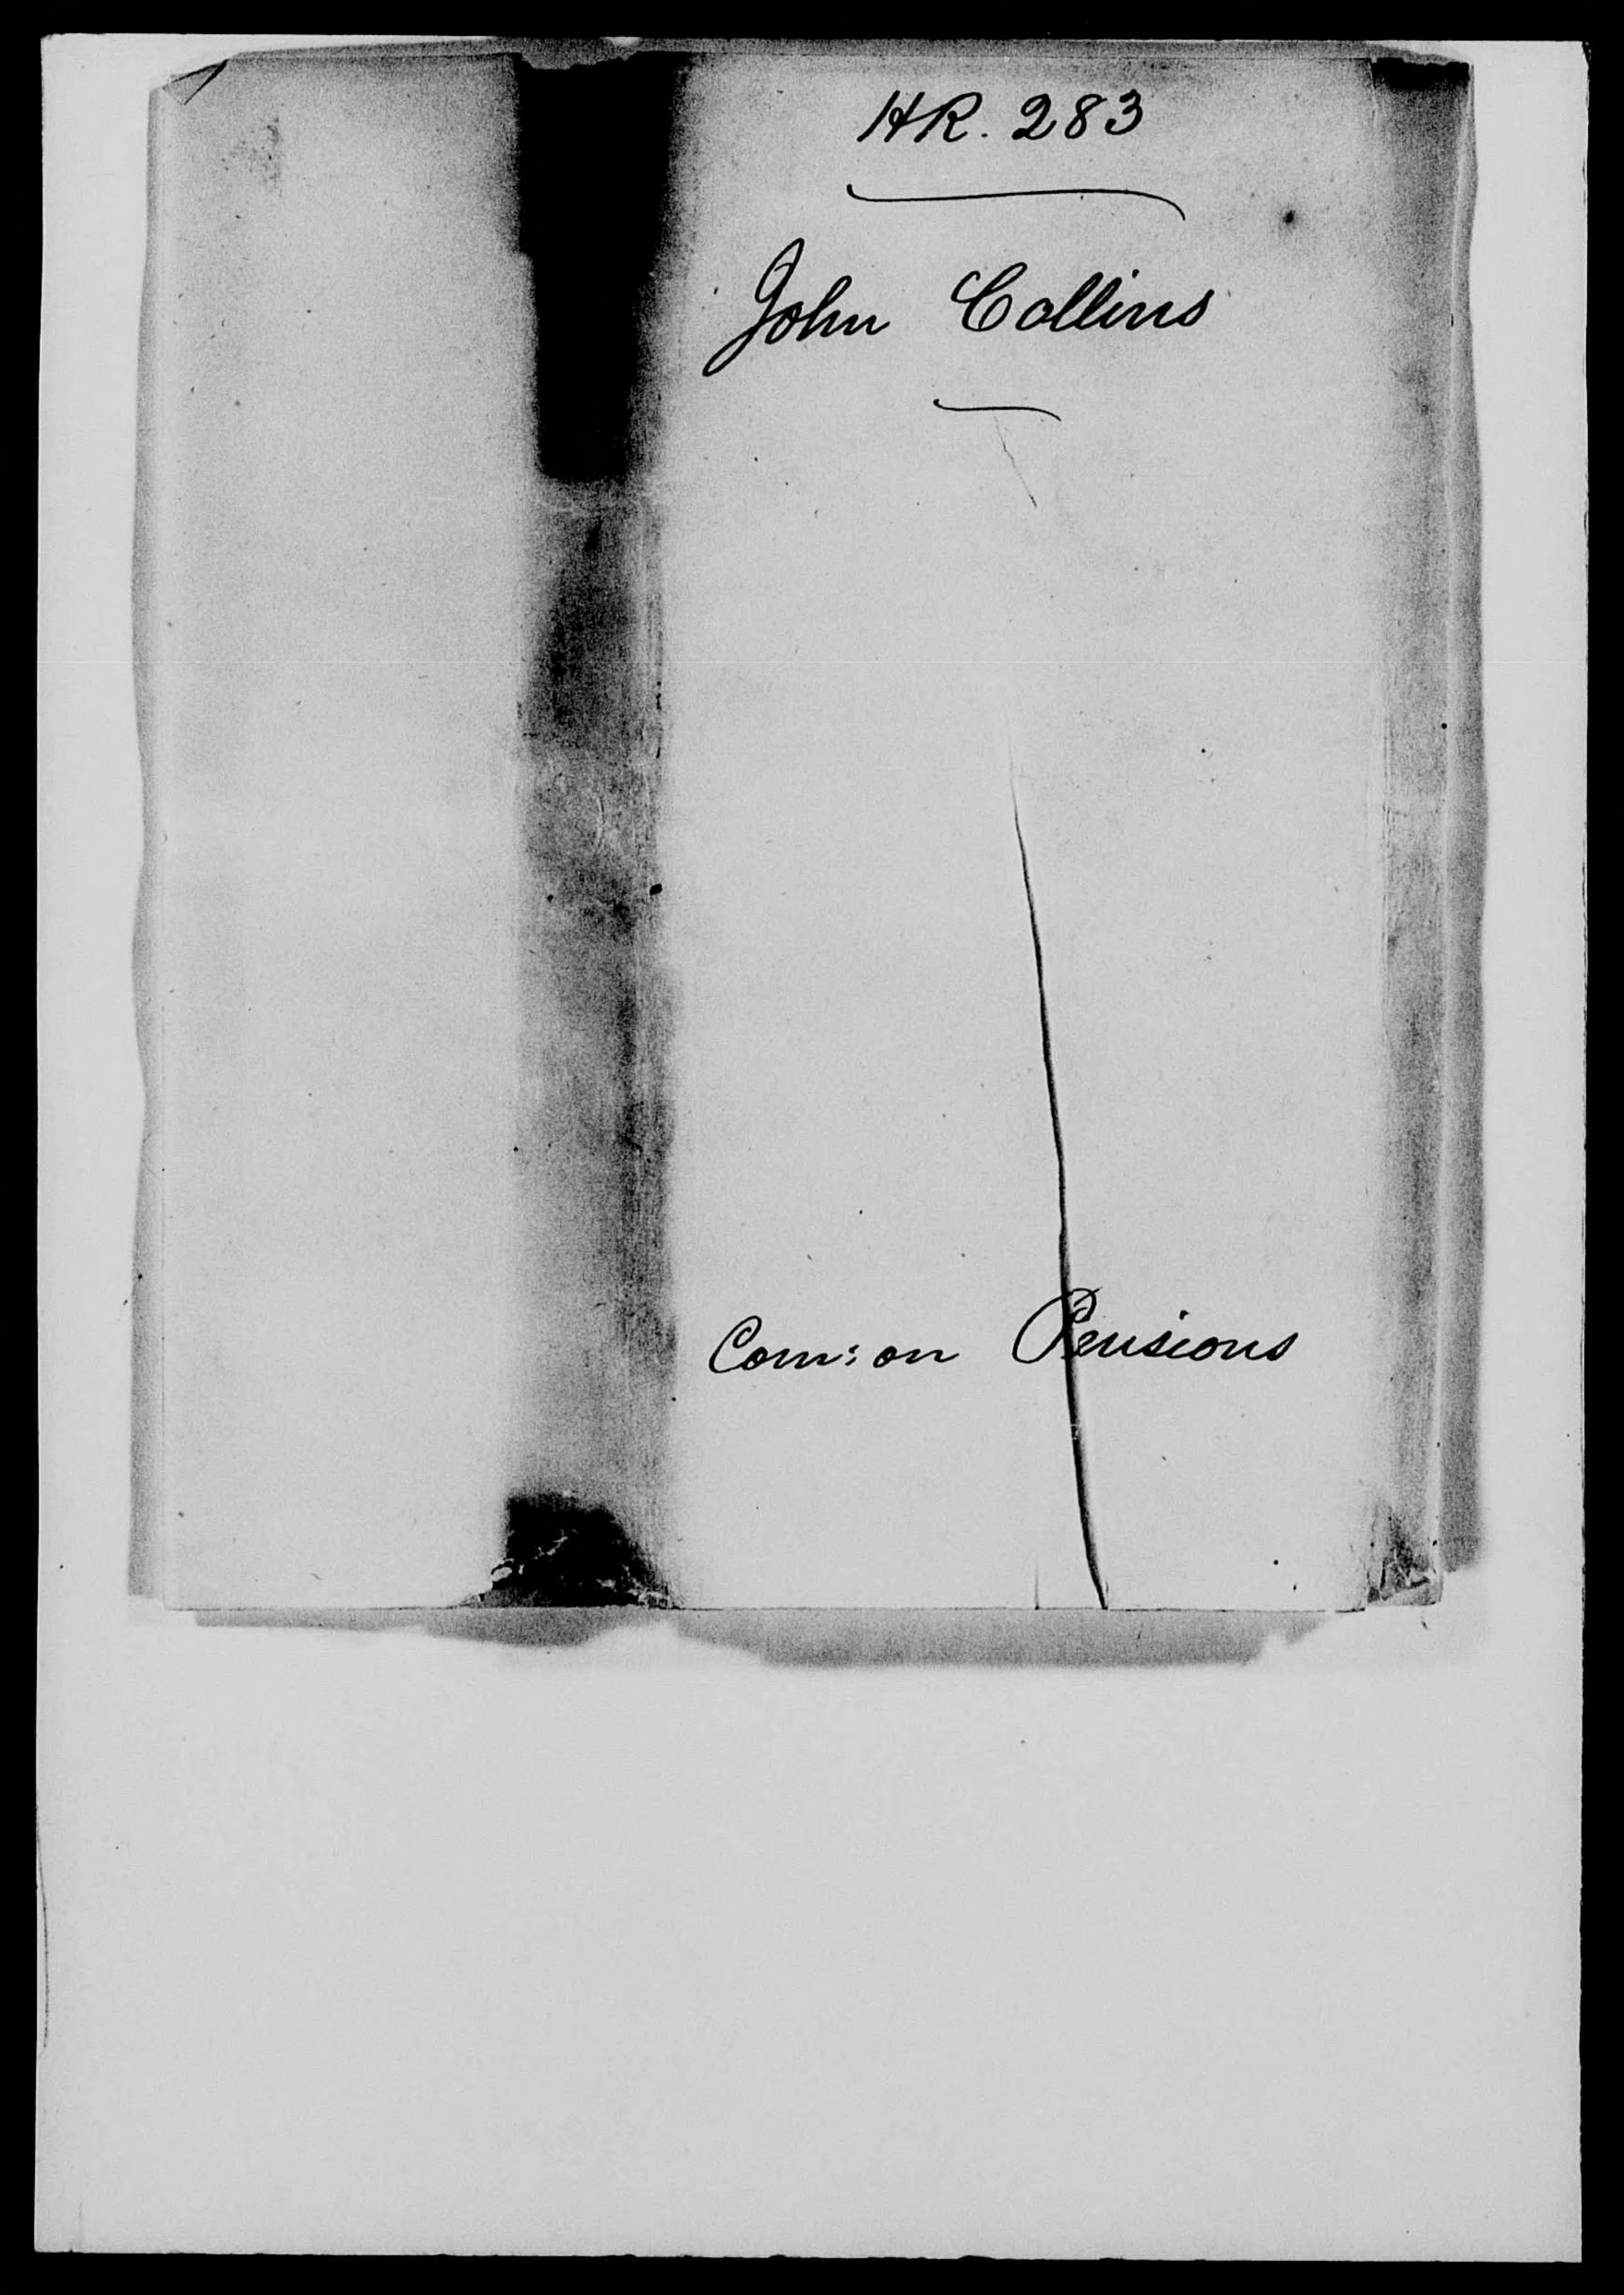H. R. 283 
John Collins

Comm Pensions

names: John Collins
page: 35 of 43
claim: survivor's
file: S. 29,732, John Collins, Mass. Navy